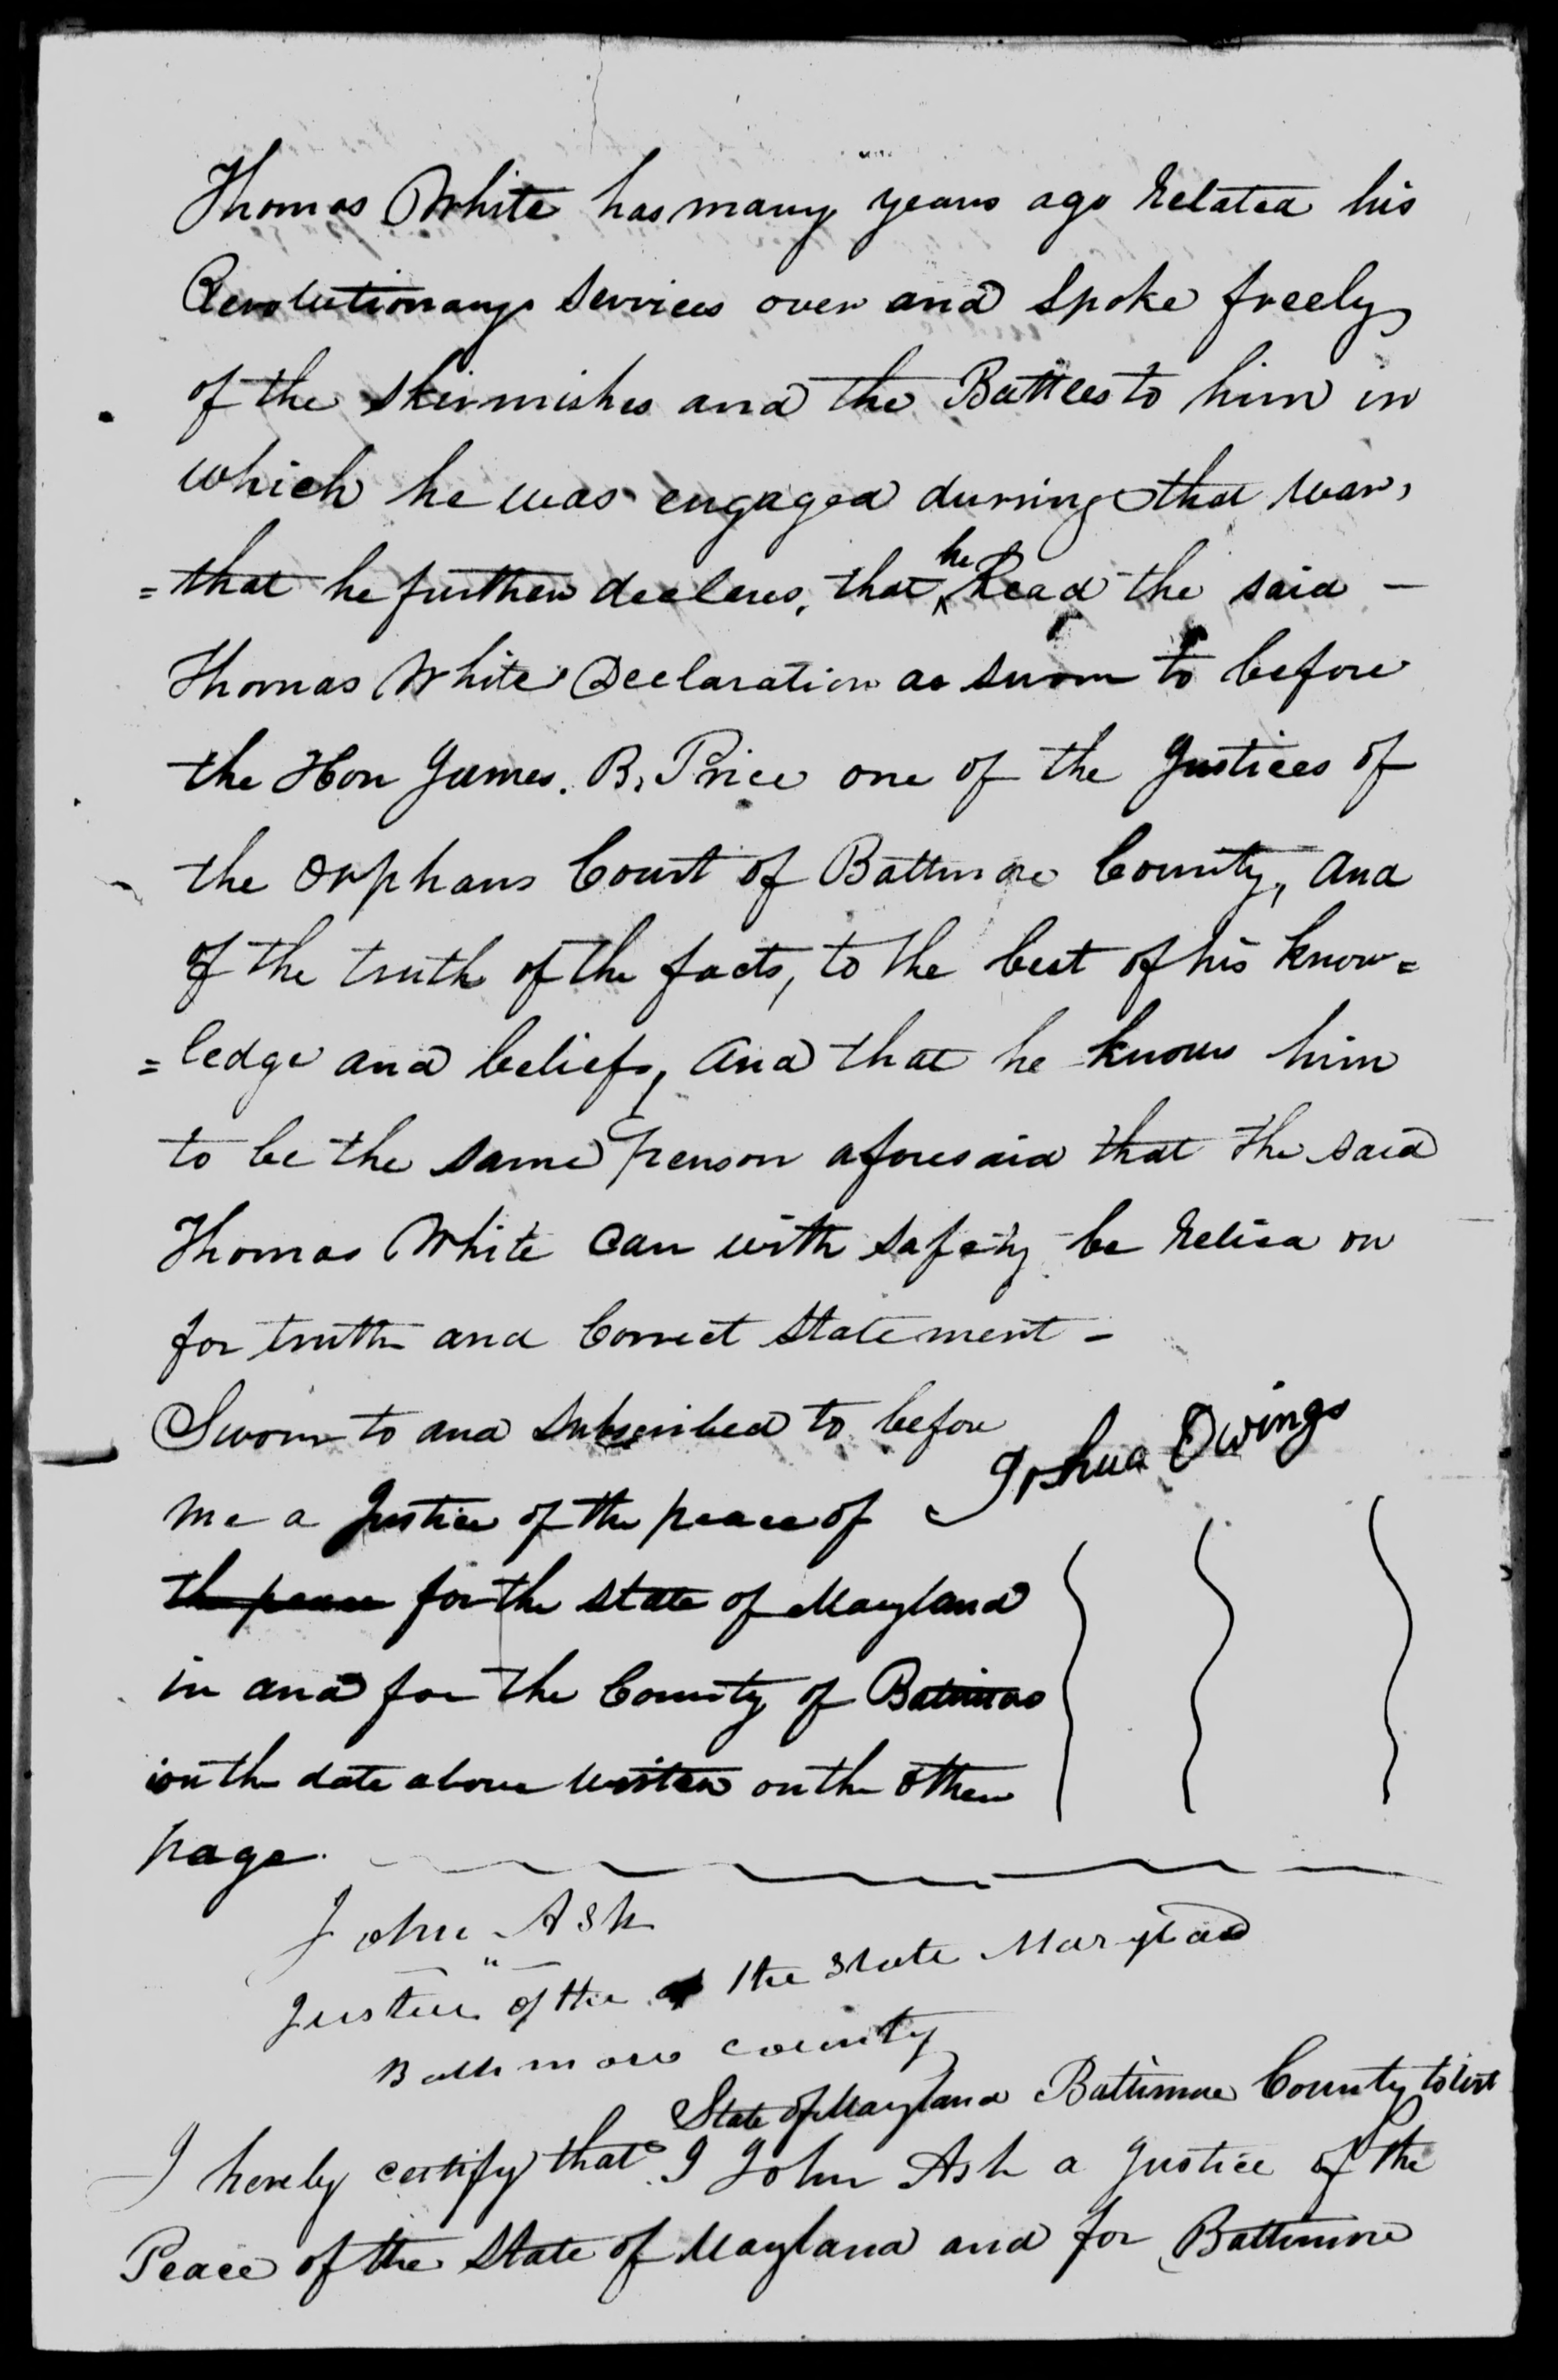Thomas White has many years ago related his Revolutionary services over and Spoke freely of the skirmishes and the Battles to him in which he was engaged during that war that he further declares, that he Read the said Thomas White Declaration as sworn to before the Hon James. B. Price one of the Justices of the Orphans Court of Baltimore County, and of the truth of the facts, to the best of his knowledge and belief, and that he knows him to be the same person aforesaid that the said Thomas White can with safety be relied on for truth and correct statement-
Joshua Owings
Sworn to and subscribed to before me a Justice of the peace of [the peace crossed out] for the State of Maryland in and for the County of Baltimore on the date above written on the other page
John Ash
Justice of the of the State Maryland
Baltimore County
State of Maryland Baltimore County to wit
I hereby certify that I John Ash a Justice of the Peace of the State of Maryland and for Baltimore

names: John Ash, Joshua Owings, James B Price, Thomas White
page: 10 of 43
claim: survivor's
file: S. 15240, Thomas White, Md.